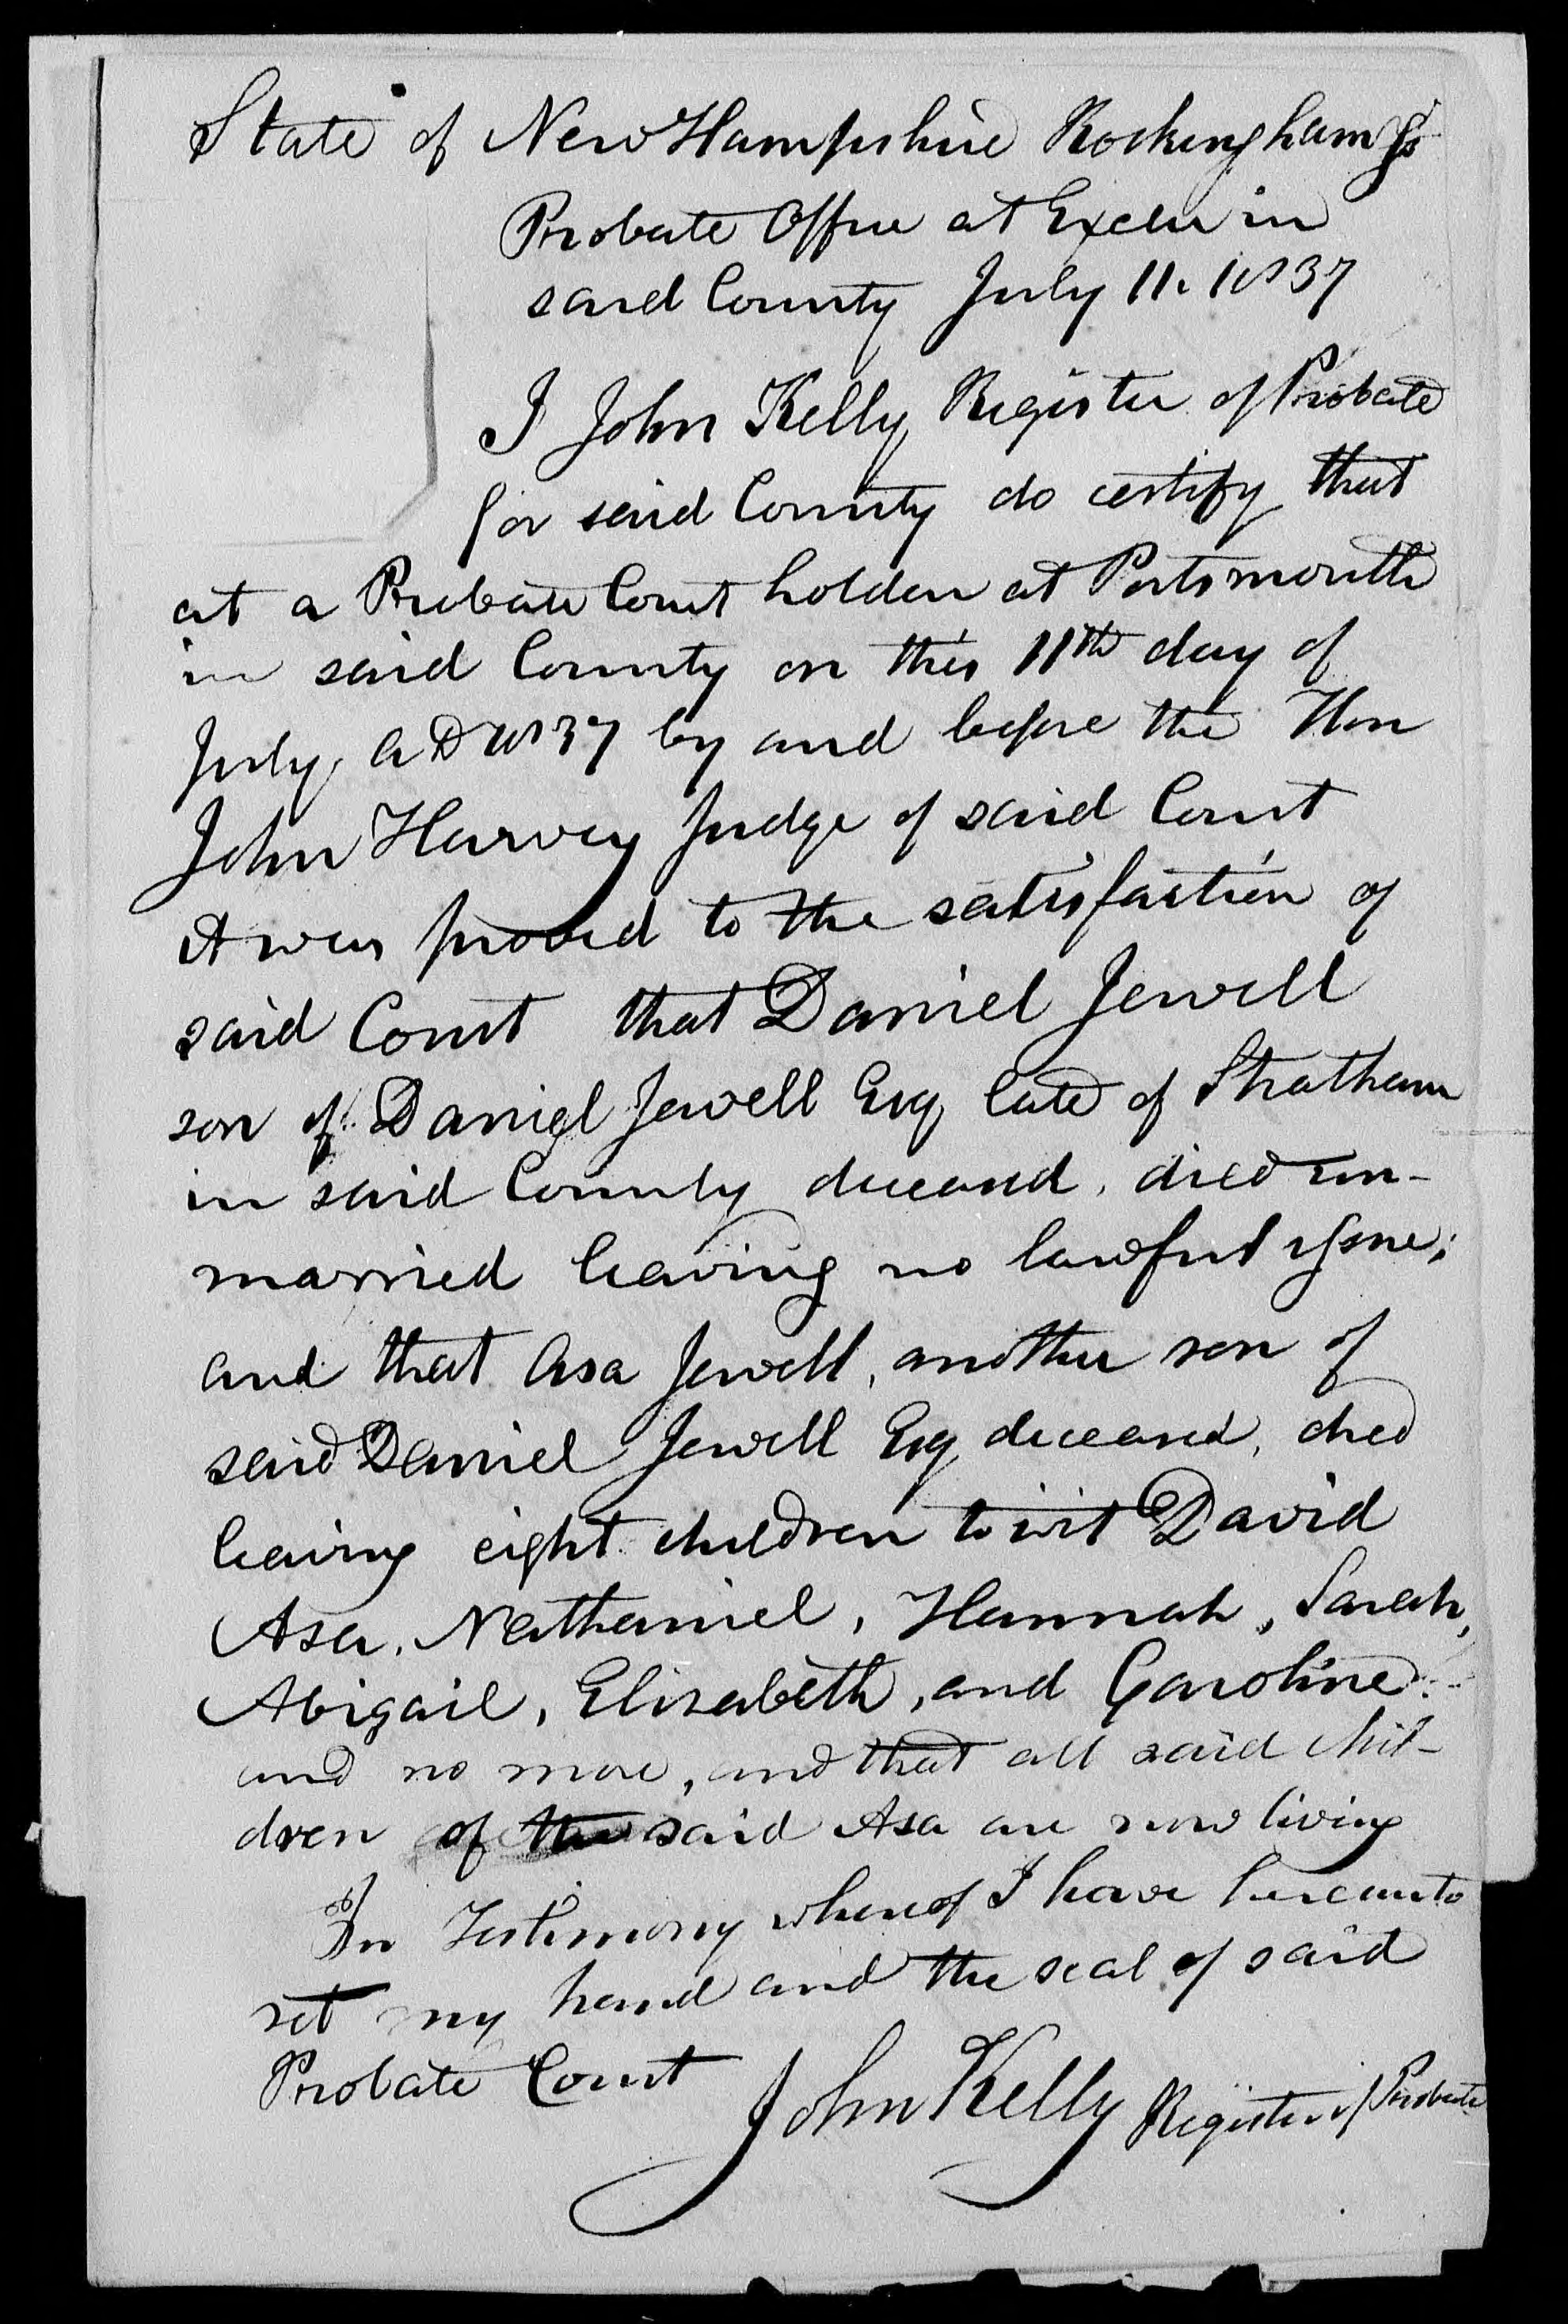State of New Hampshire Rockingham Ss.
Probate Office at Exeter in said County
July 11, 1837
I John Kelly Register of Probate for said County do certify that at a Probate Court holden at Portsmouth in said County on this 11th day of
July A D 1837 by and before the Hon [HONORABLE] John Harvey Judge of said Court it was proved to the satisfaction of said Court that Daniel Jewell son of Daniel Jewell Esq late of Stratham in said County deceased, died unmarried leaving no lawful wife and that Asa Jewell, another son of said Daniel Jewell Esq deceased, who leaving eight children to wit David Asa, Nathaniel, Hannah, Sarah, Abigail, Elizabeth, and Caroline and no more, and that all said children of the said Asa are now living
In Testimony whereof I have hereunto set my hand and the seal of said Probate Court
John Kelly Register of Probate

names: John Harvey; Sarah [BLANK]; Abigail [BLANK]; Daniel Jewell; Hannah [BLANK]; David [BLANK]; Nathaniel [BLANK]; Caroline [BLANK]; Asa Jewell; John Kelly; Elizabeth [BLANK]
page: 7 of 35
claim: survivor's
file: S. 10912, for Daniel Jewell, New Hampshire